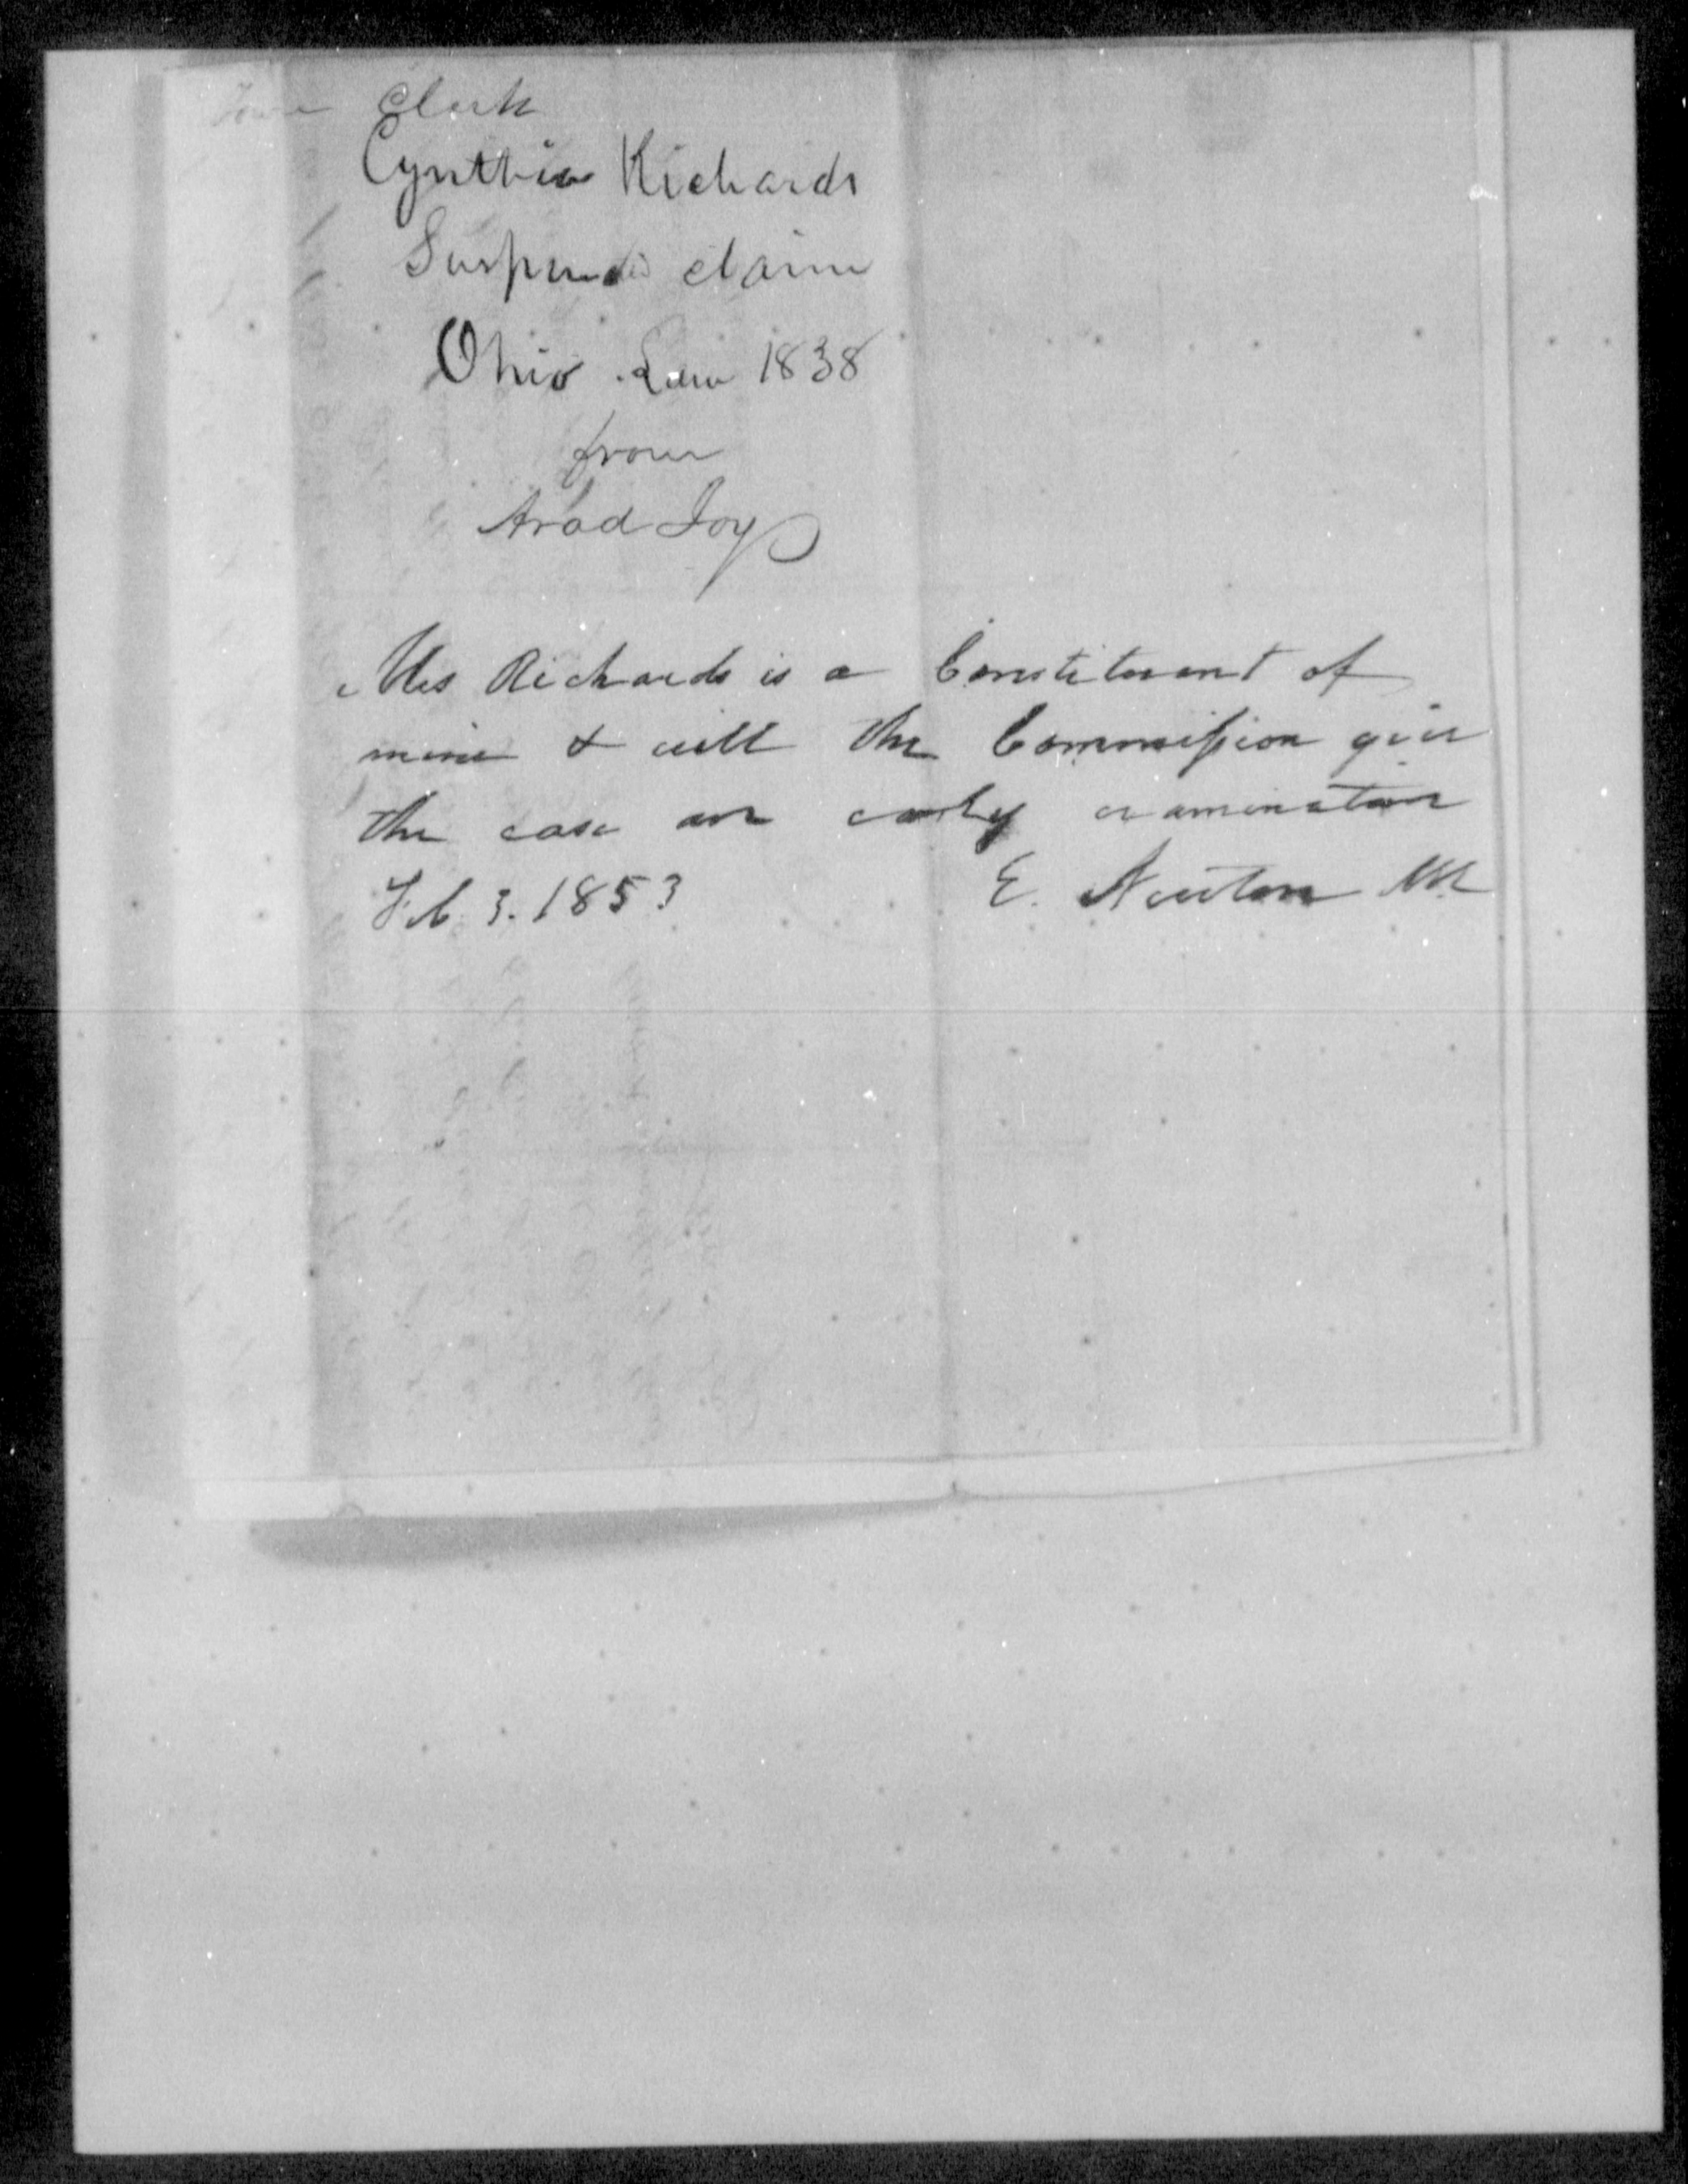Town Clerk
Cynthia Richards Suspended claim
Ohio Jan [JANUARY] 1838
from Arad Joy

Mrs Richards is a Constituent of mine & will the commission give the case an early examination
Feb 3, 1853
E. Newton M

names: [BLANK] Richards; E Newton; Cynthia Richards; Arad Joy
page: 55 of 109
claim: widow's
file: W. 5709, for Thomas Richards, New Hampshire